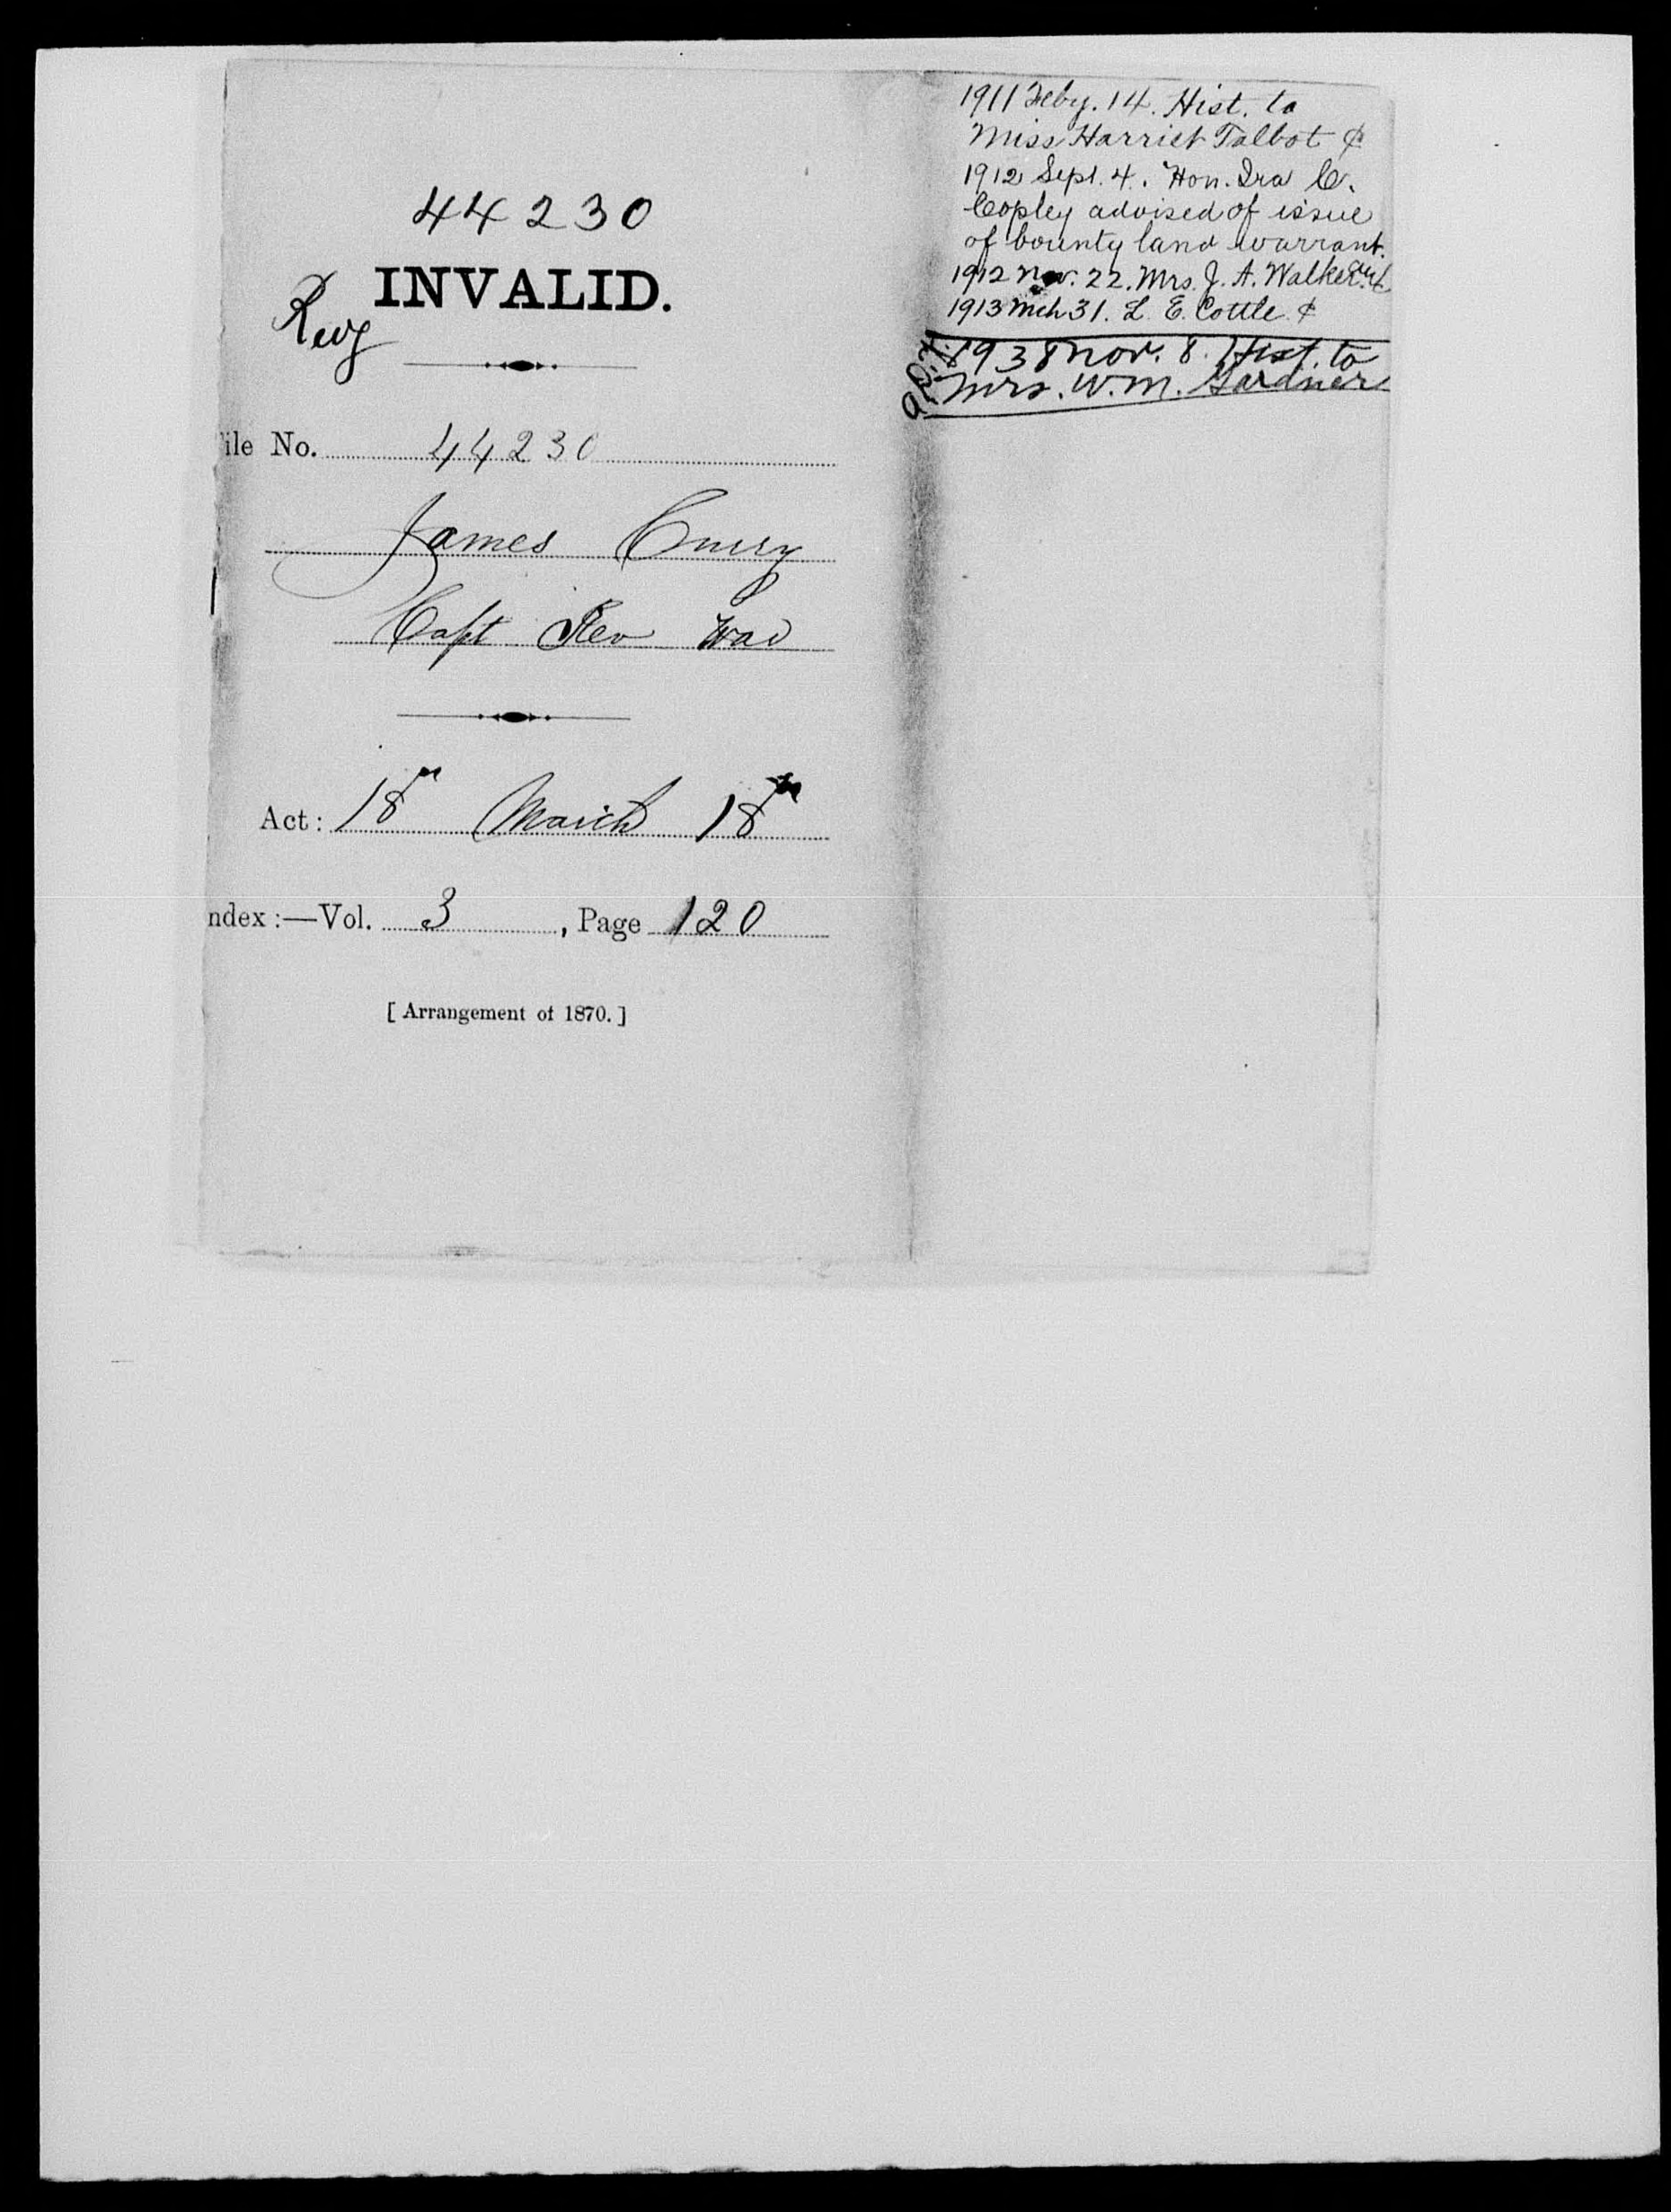44230
INVALID
Revy
File No. 44230
James Curry
Capt Rev War

Act: 18 March 18
Index:-Vol. 3, Page 120
[Arrangement of 1870.]

1911 Feby. 14. Hist to
Miss Harriet Talbot
1912 Sept. 4 Hon. Ira C. 
Copley advised of issue 
of bounty land warrant.
1912 Nov 22. Mrs. J.A. Walker
1913 Mch 31. L.E. Cottle
1938 Nov. 8 Hist to
Mrs. Wm. Gardner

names: L E Cottle, W M Gardner, James Curry, J A Walker, Ira C Copley, Harriet Talbot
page: 10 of 32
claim: survivor's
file: S. 44230, James Curry, Va.